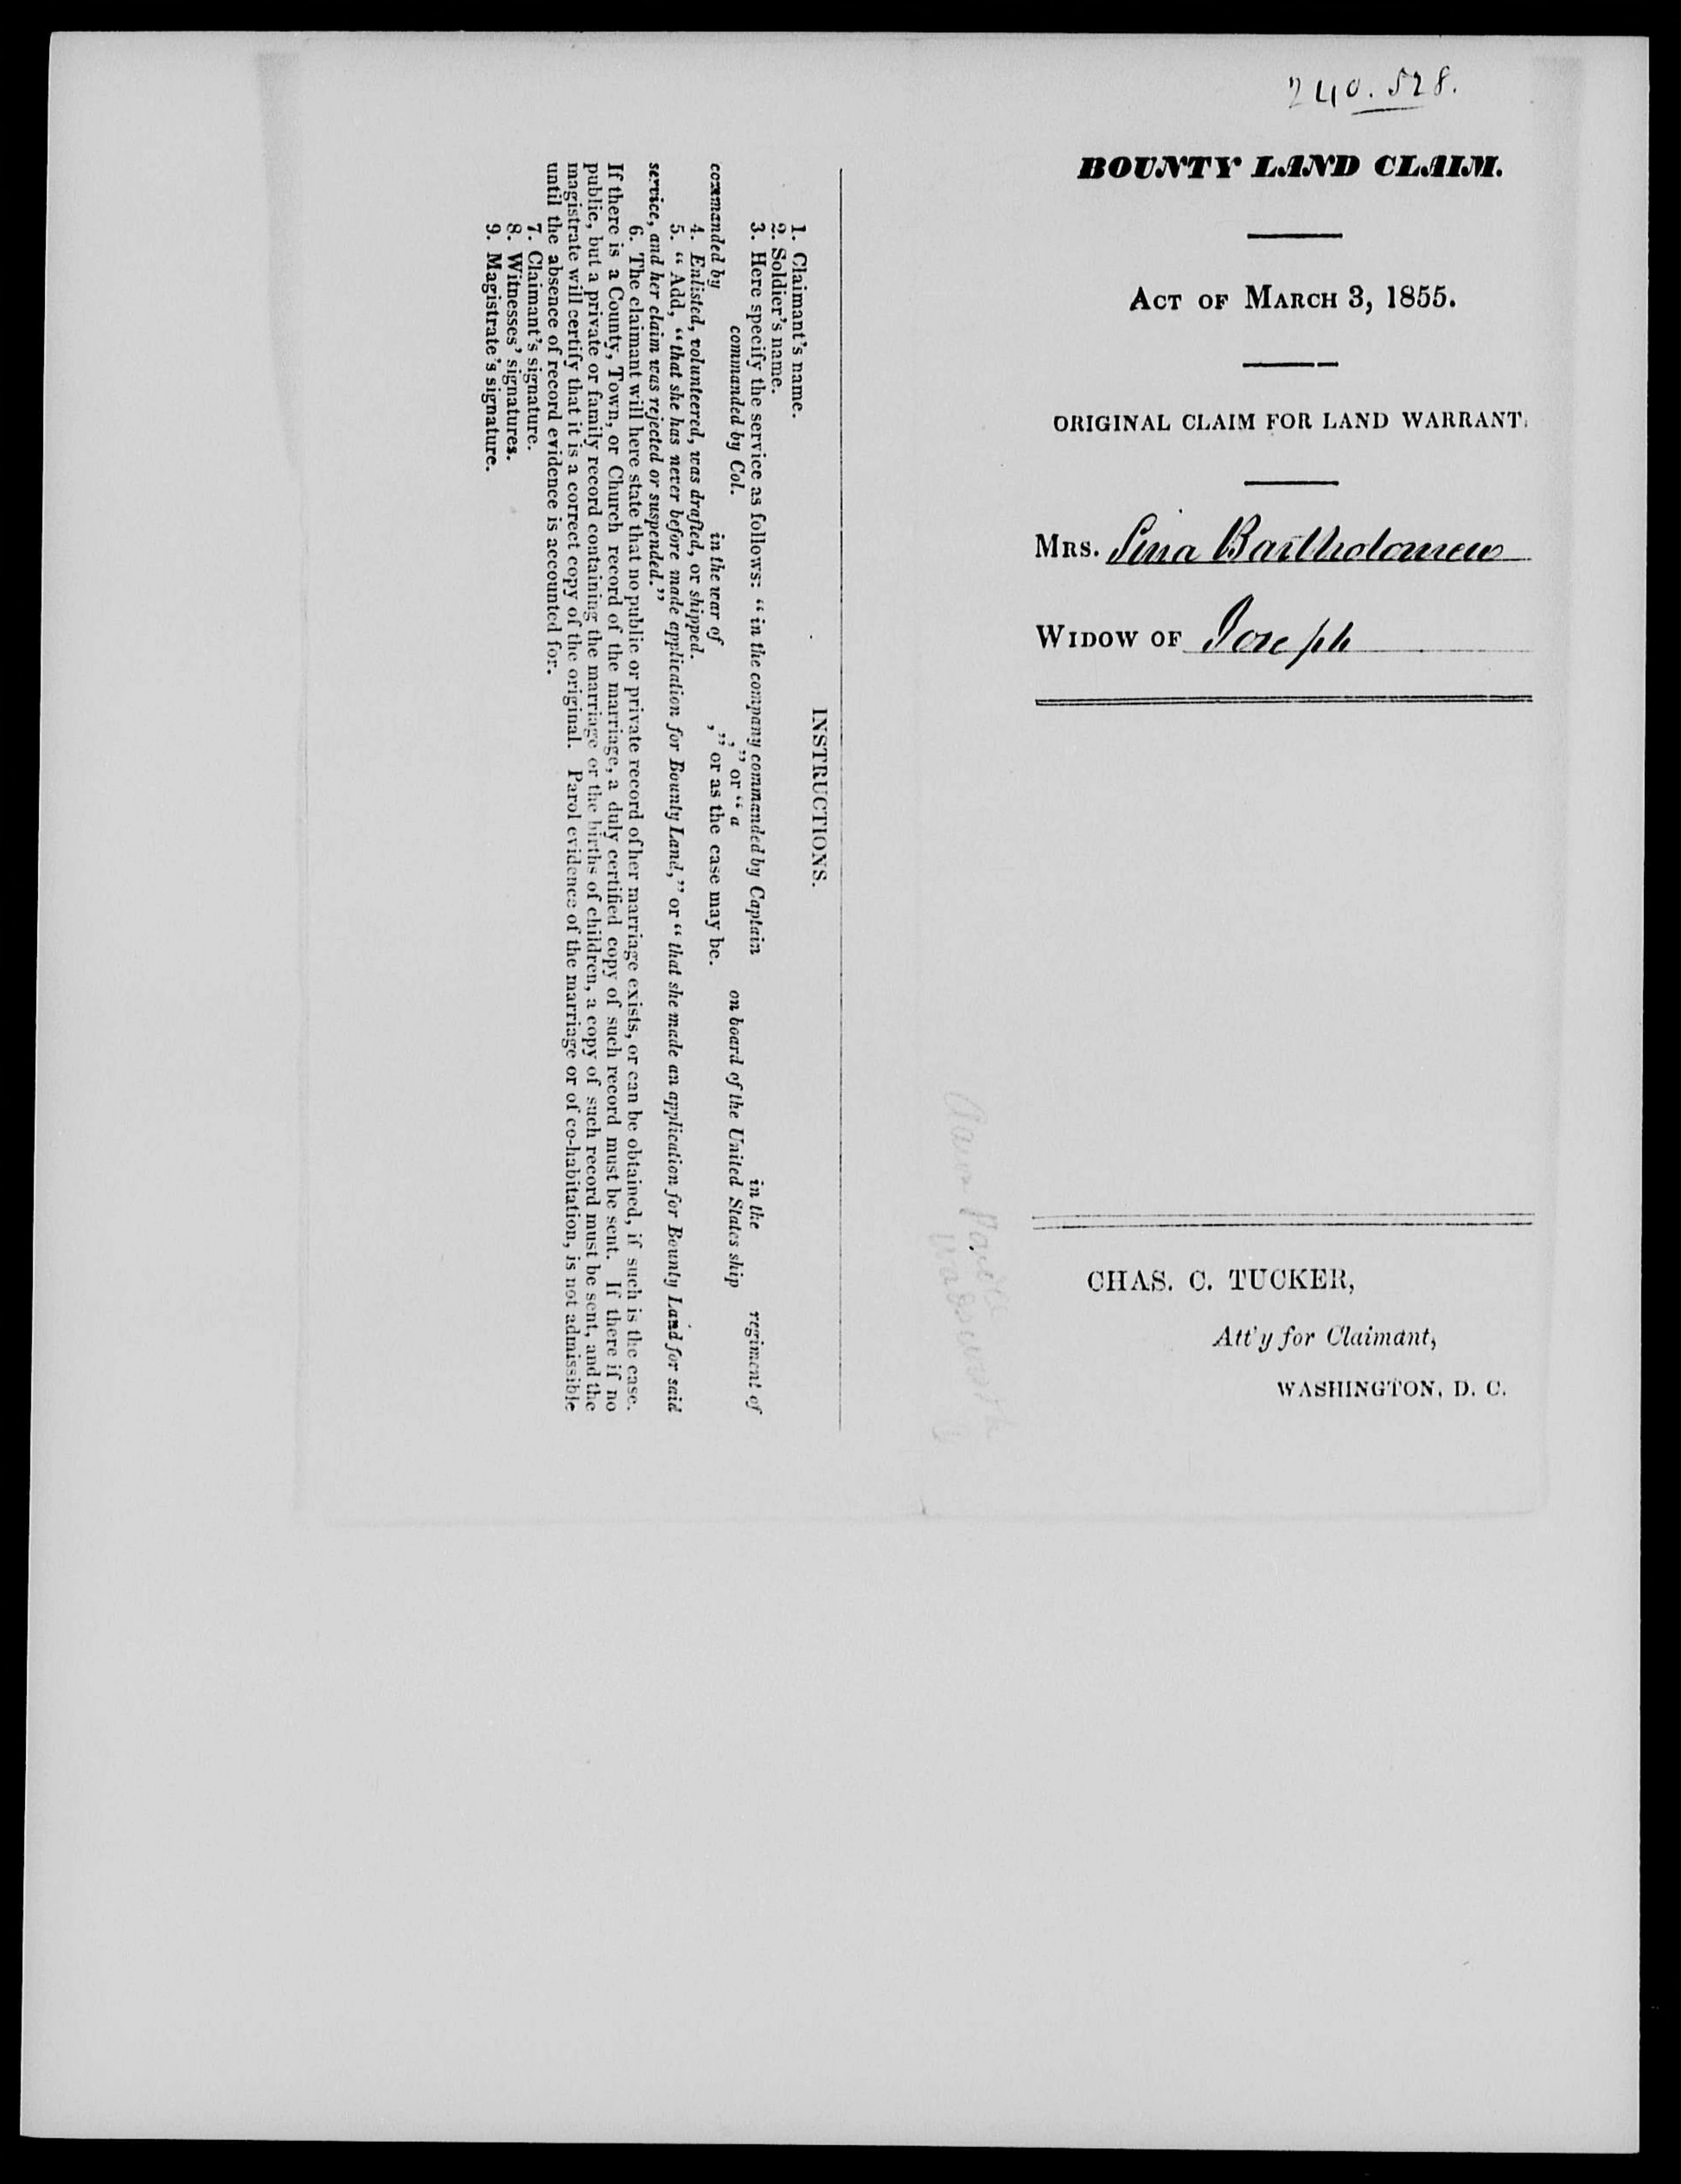[Left side of page, vertical orientation:]

INSTRUCTIONS

1. Claimant's name.
2. Soldier's name.
3. Here specify the service as follows: " in the company commanded by Captain ________ in the regiment of Col. ___________" or "a _______ on board of the United States ship _________ commanded by ____________ in the war of ________" or as the case may be.
4.  Enlisted, volunteered, was drafted, or shipped.
5. "Add, "that she has never before made application for Bounty Land, or that she made an application for Bounty Land for said service, and her claim was rejected or suspended."
6. The claimant will here state that no public or private record of her marriage exists, or can be obtained, if such is the case. If there is a County, Town, or Church record of the marriage, a duly certified copy of such record must be sent. If there is no but a private or family record containing the marriage or the births of children, a copy of such record must be sent, and the magistrate will certify that it is a correct copy of the original.  Parol evidence of the marriage or of co-habitation, is not admissible until absence of record evidence is accounted for.
7. Claimant's signature.
8. Witnesses' signatures.
9. Magistrate's signature.


[Right side of page:]

240.528.
__________

BOUNTY LAND CLAIM.
__________

ACT OF MARCH 3, 1855.
__________
ORIGINAL CLAIM FOR LAND WARRANT.
__________
Mrs. Sina Bartholomew
WIDOW OF Joseph

__________



CHAS C. TUCKER,
Att'y for Claimant,
WASHINGTON, D. C.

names: Sina Bartholomew, Joseph Bartholomew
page: 15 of 76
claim: widow's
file: W. 9345, Joseph Bartholomew, Conn.